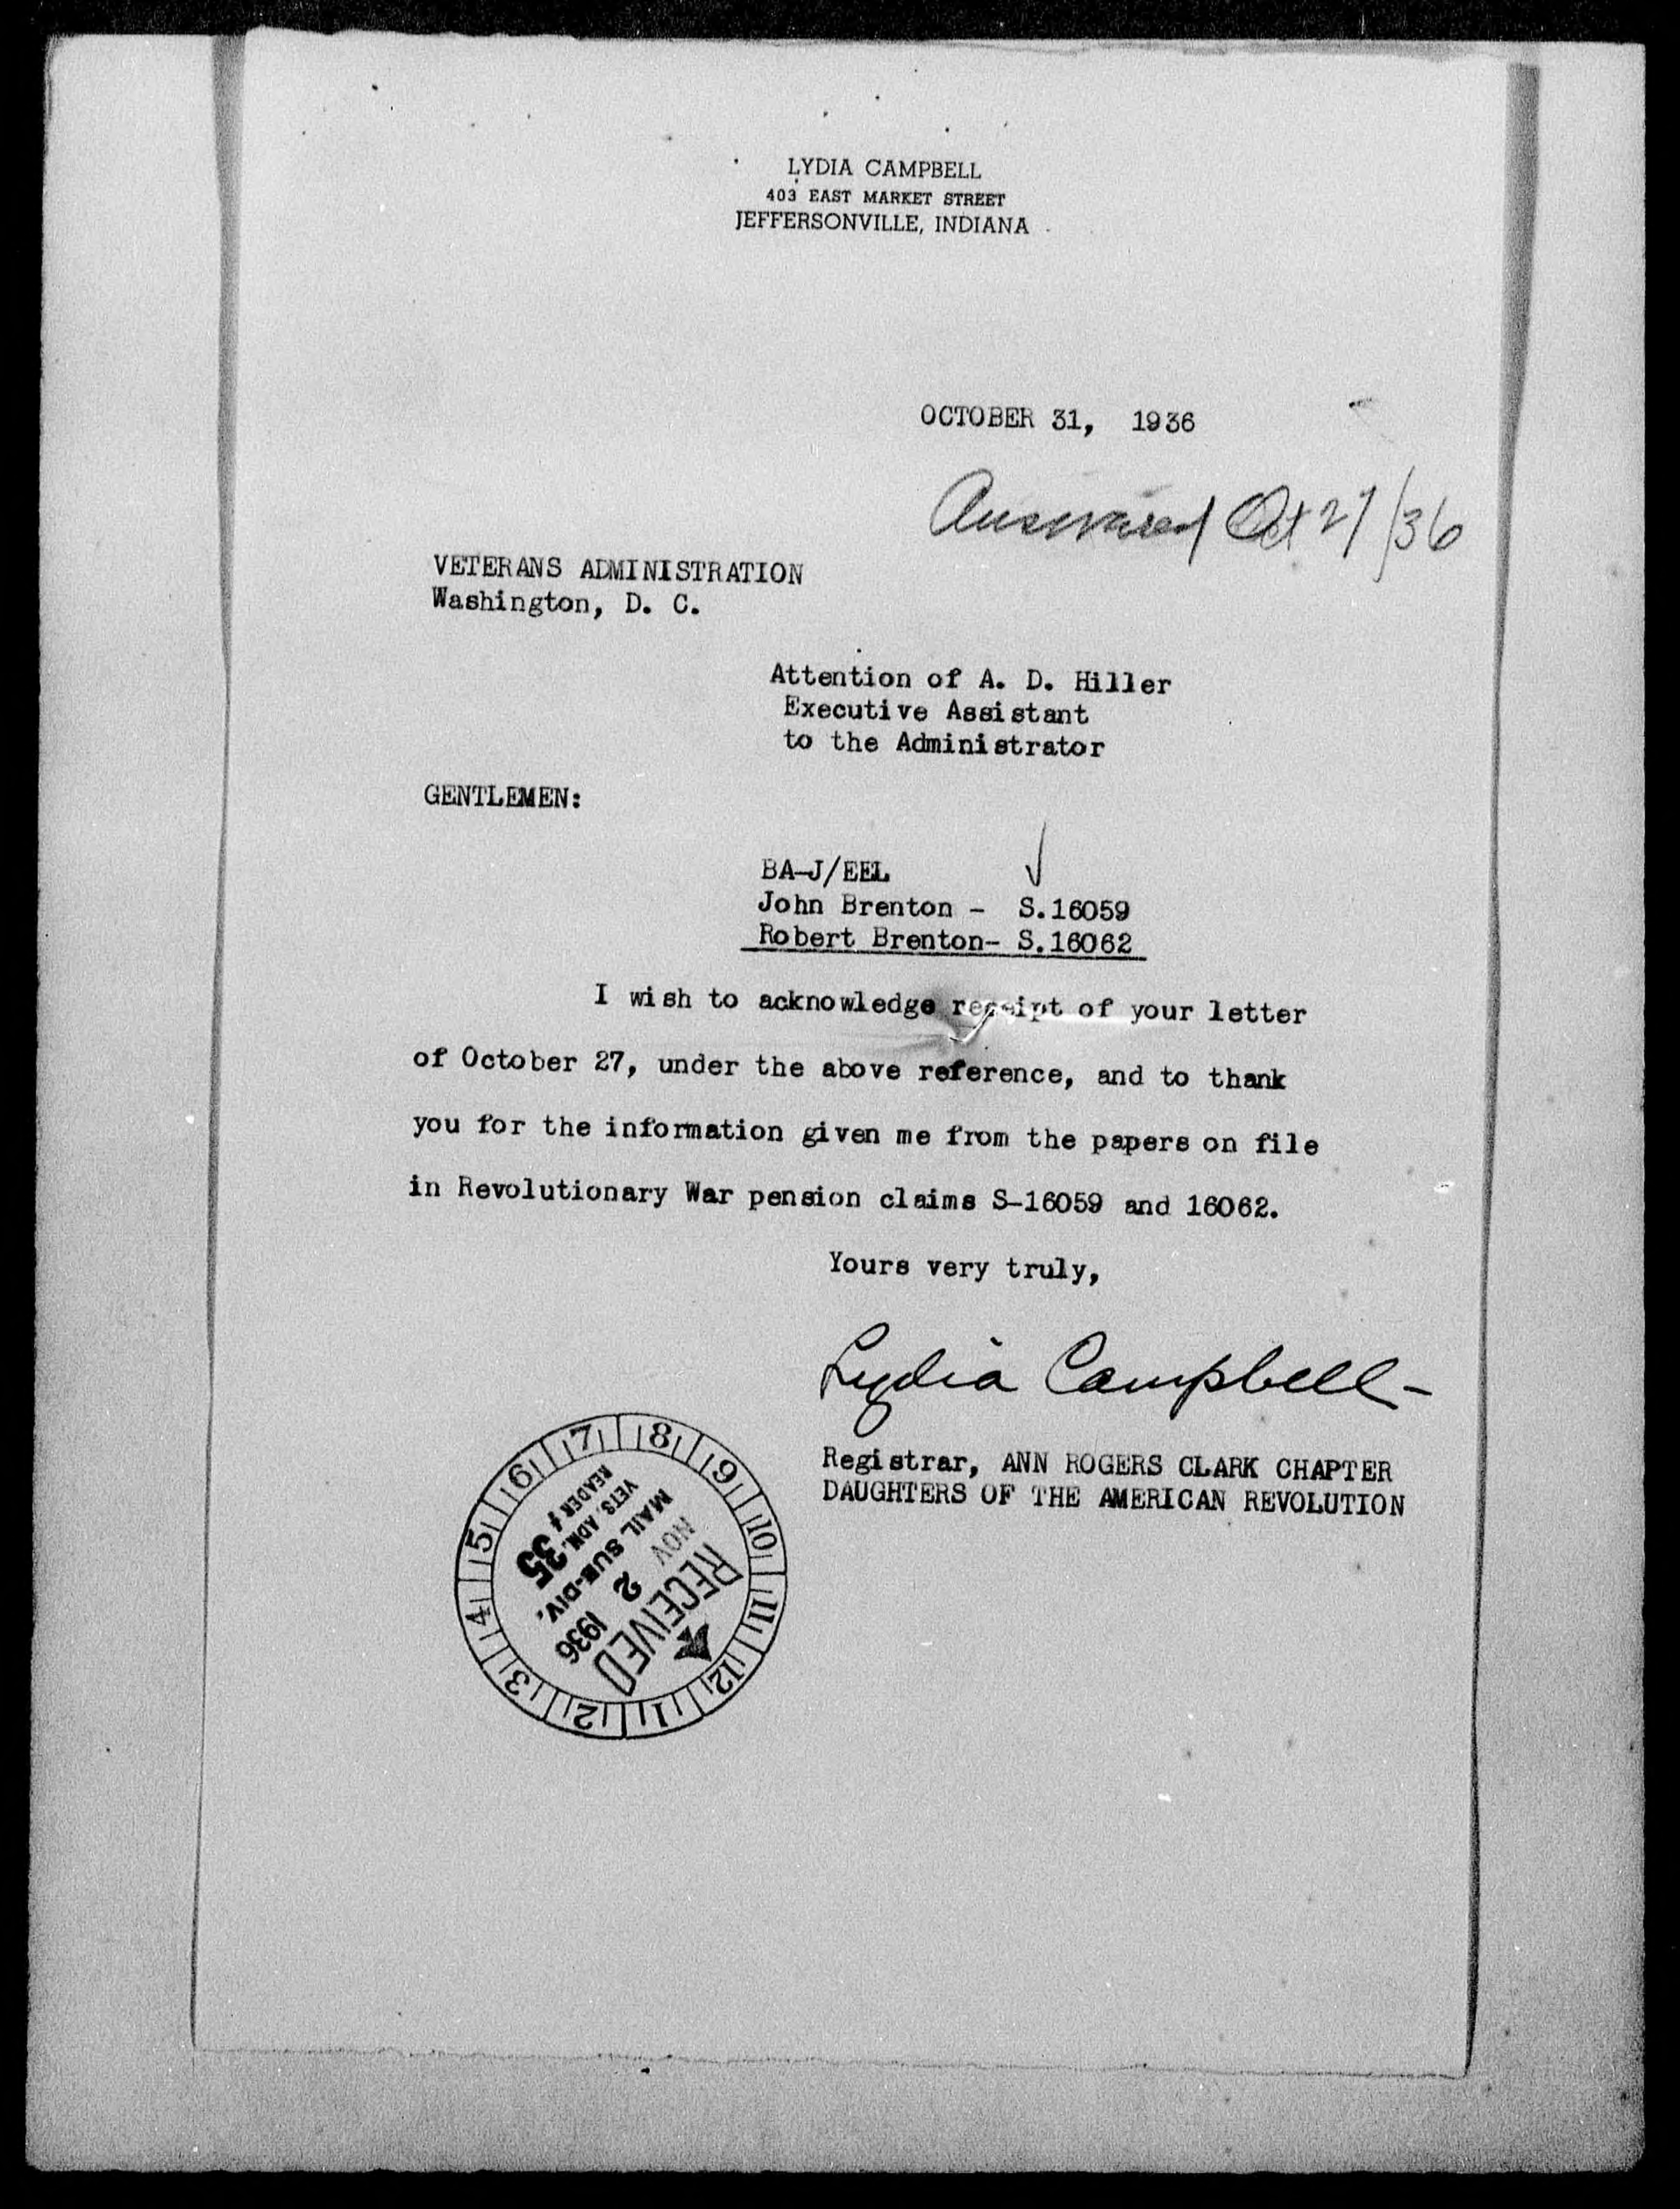[letterhead:] Lydia Campbell 403 East Market Street Jeffersonville, Indiana
October 31, 1936
[written in "Answered Oct 27/36]
Veterans Administration
Washington, D. C.
Attention of A. D. Hiller
Executive Assistant to the Administrator
Gentlemen:
BA-J/EEL
John Brenton - S.16059
Robert Brenton - S.16062
I wish to acknowledge the receipt of your letter of October 27, under the above reference, and to thank you for the information given me from the papers on file in Revolutionary War pension claims S-16059 and 16062.
Yours very truly,
Lydia Campbell
Registrar, Ann Rogers Clark Chapter
Daughters of the American Revolution
[stamped:] Received Nov 2 1936 Mail Sub-Div Vets Ad, 35. Reader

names: Robert Brenton, Ann Rogers Clark, A D Hiller, John Brenton, Lydia Campbell, Lydia Campbell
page: 21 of 26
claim: survivor's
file: S. 16059, John Brenton, Penn. Va.